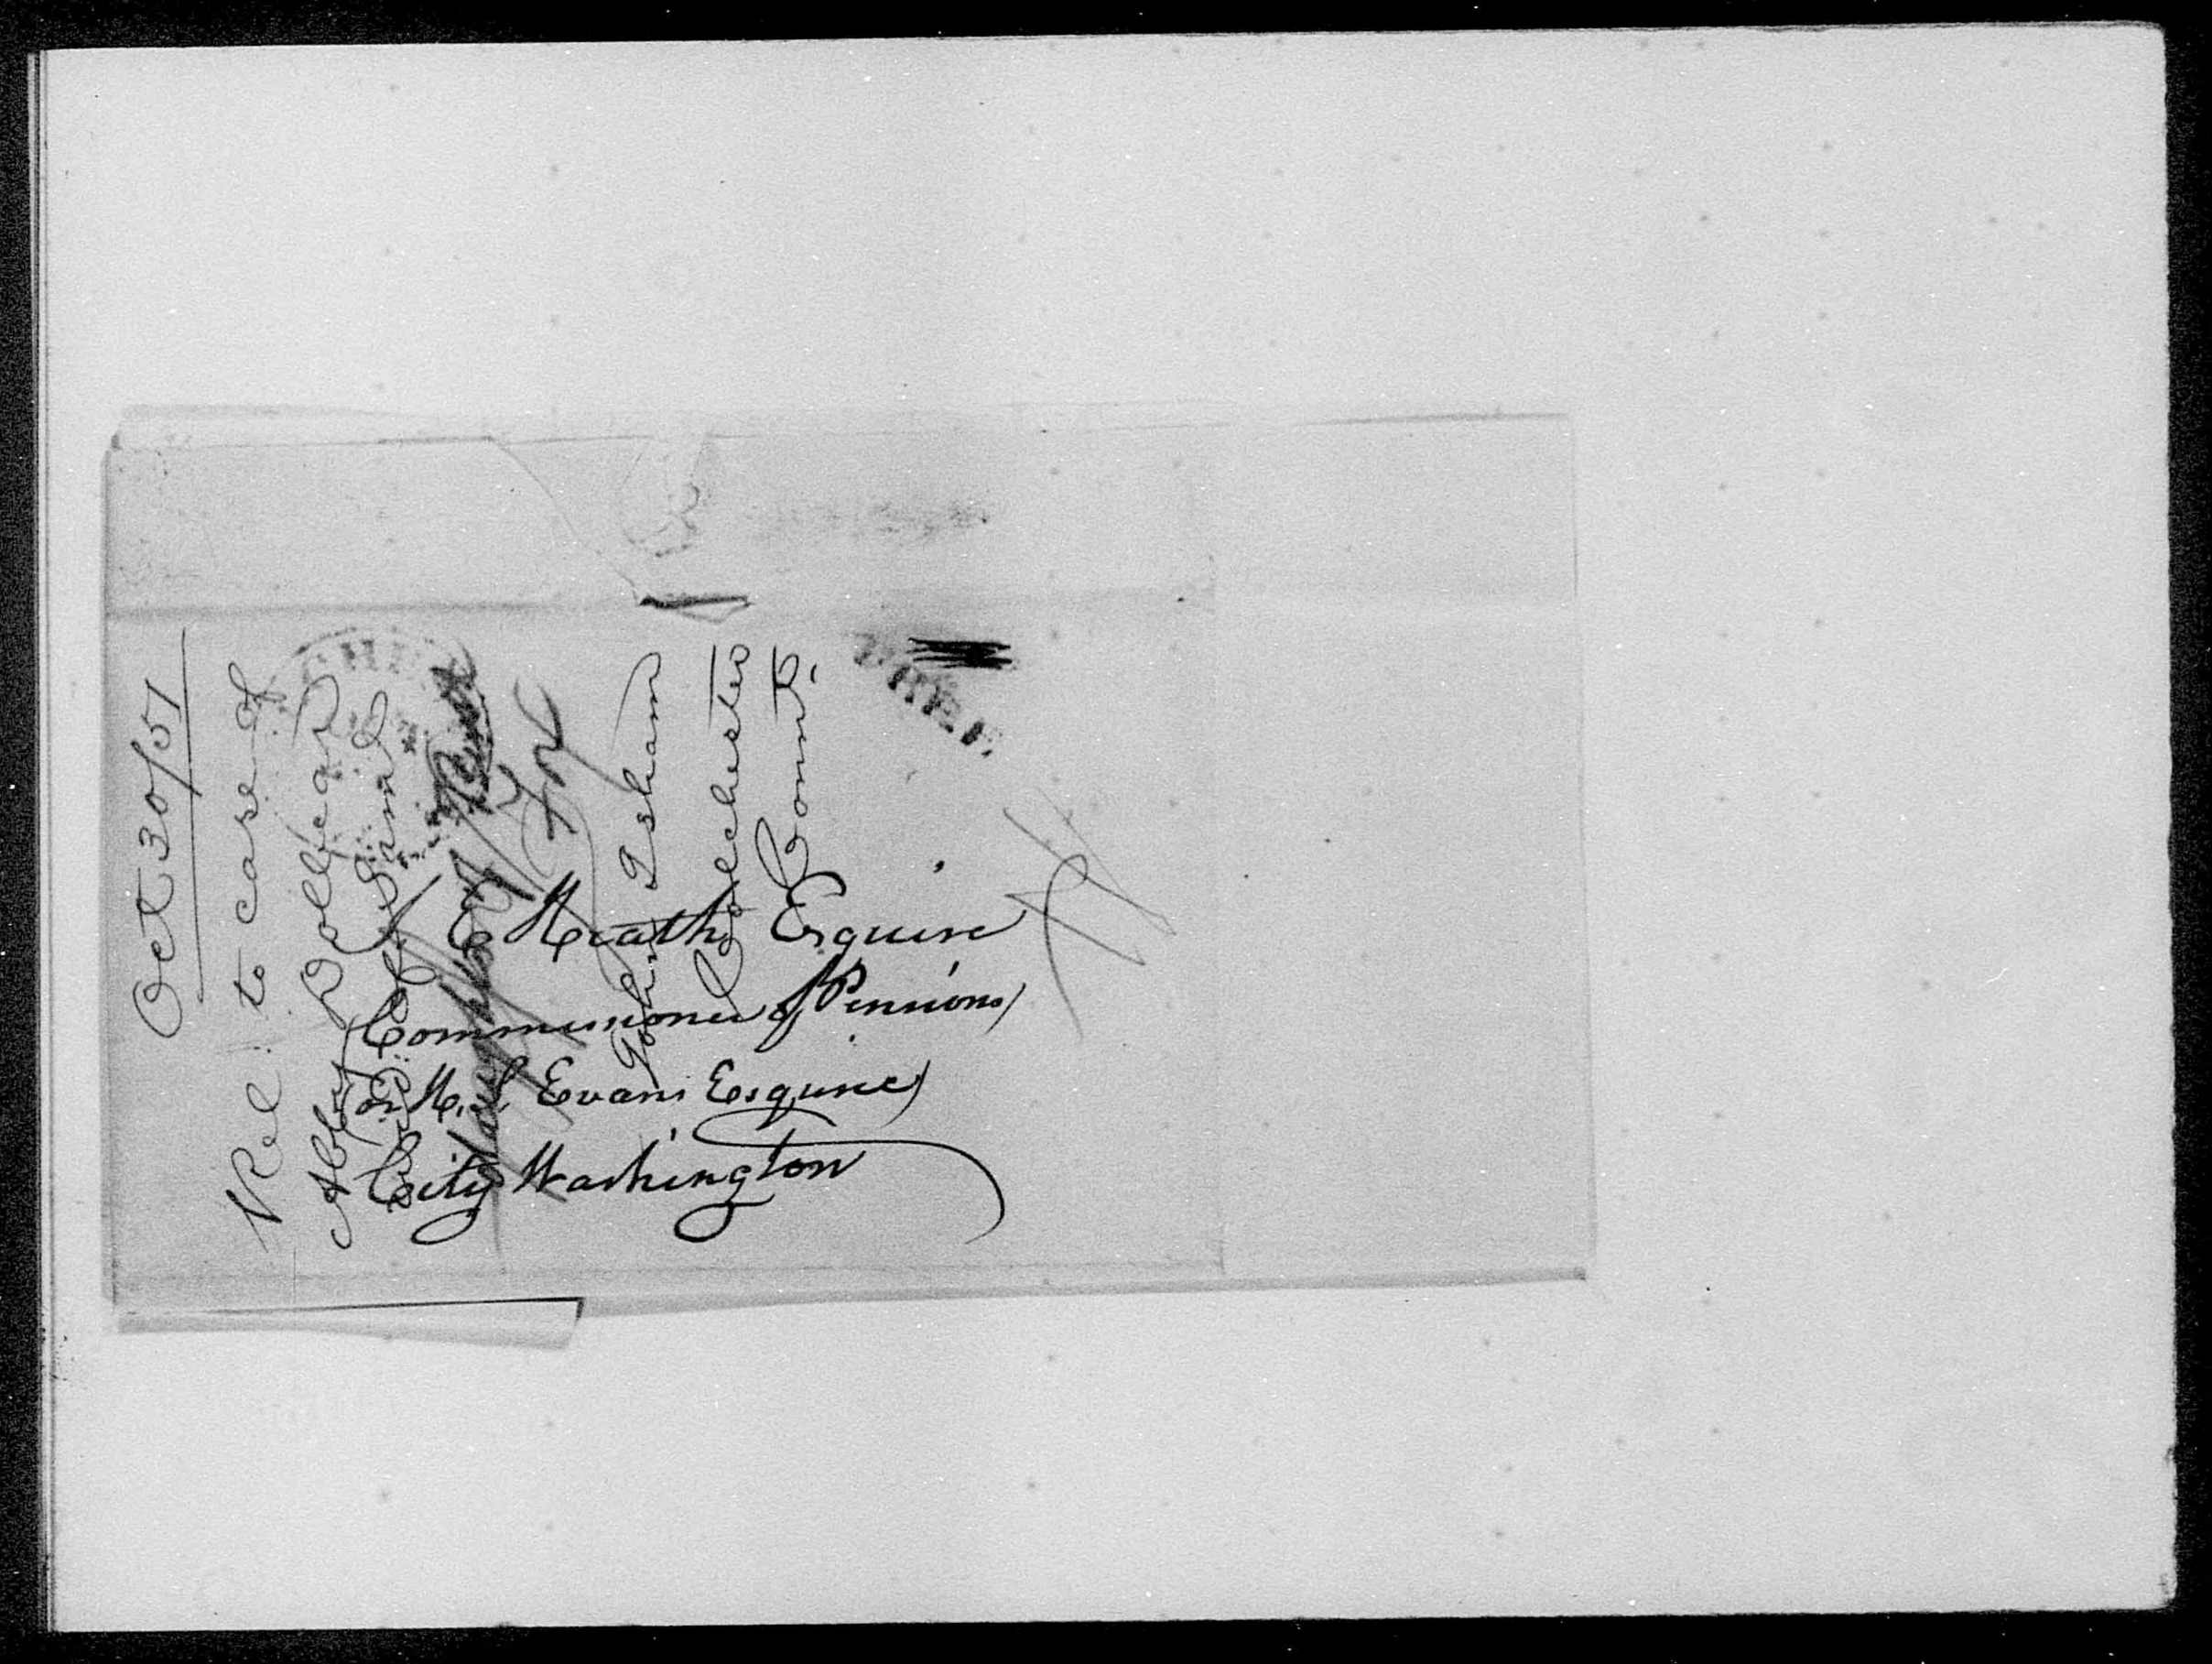J E Heath Esquire
Commissioner of Pensions
or H S Evans Esquire
City Washington

Oct 30/51
Rel. to case of
Abby Dolbear
wid of Sam'l

Fox

John Isham
Colchester
Connt.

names: Abby Dolbear, J E Heath, Saml Dolbear, John Isham, H S Evans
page: 34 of 53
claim: rejected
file: R. 3732, Jesse Fox, Conn.